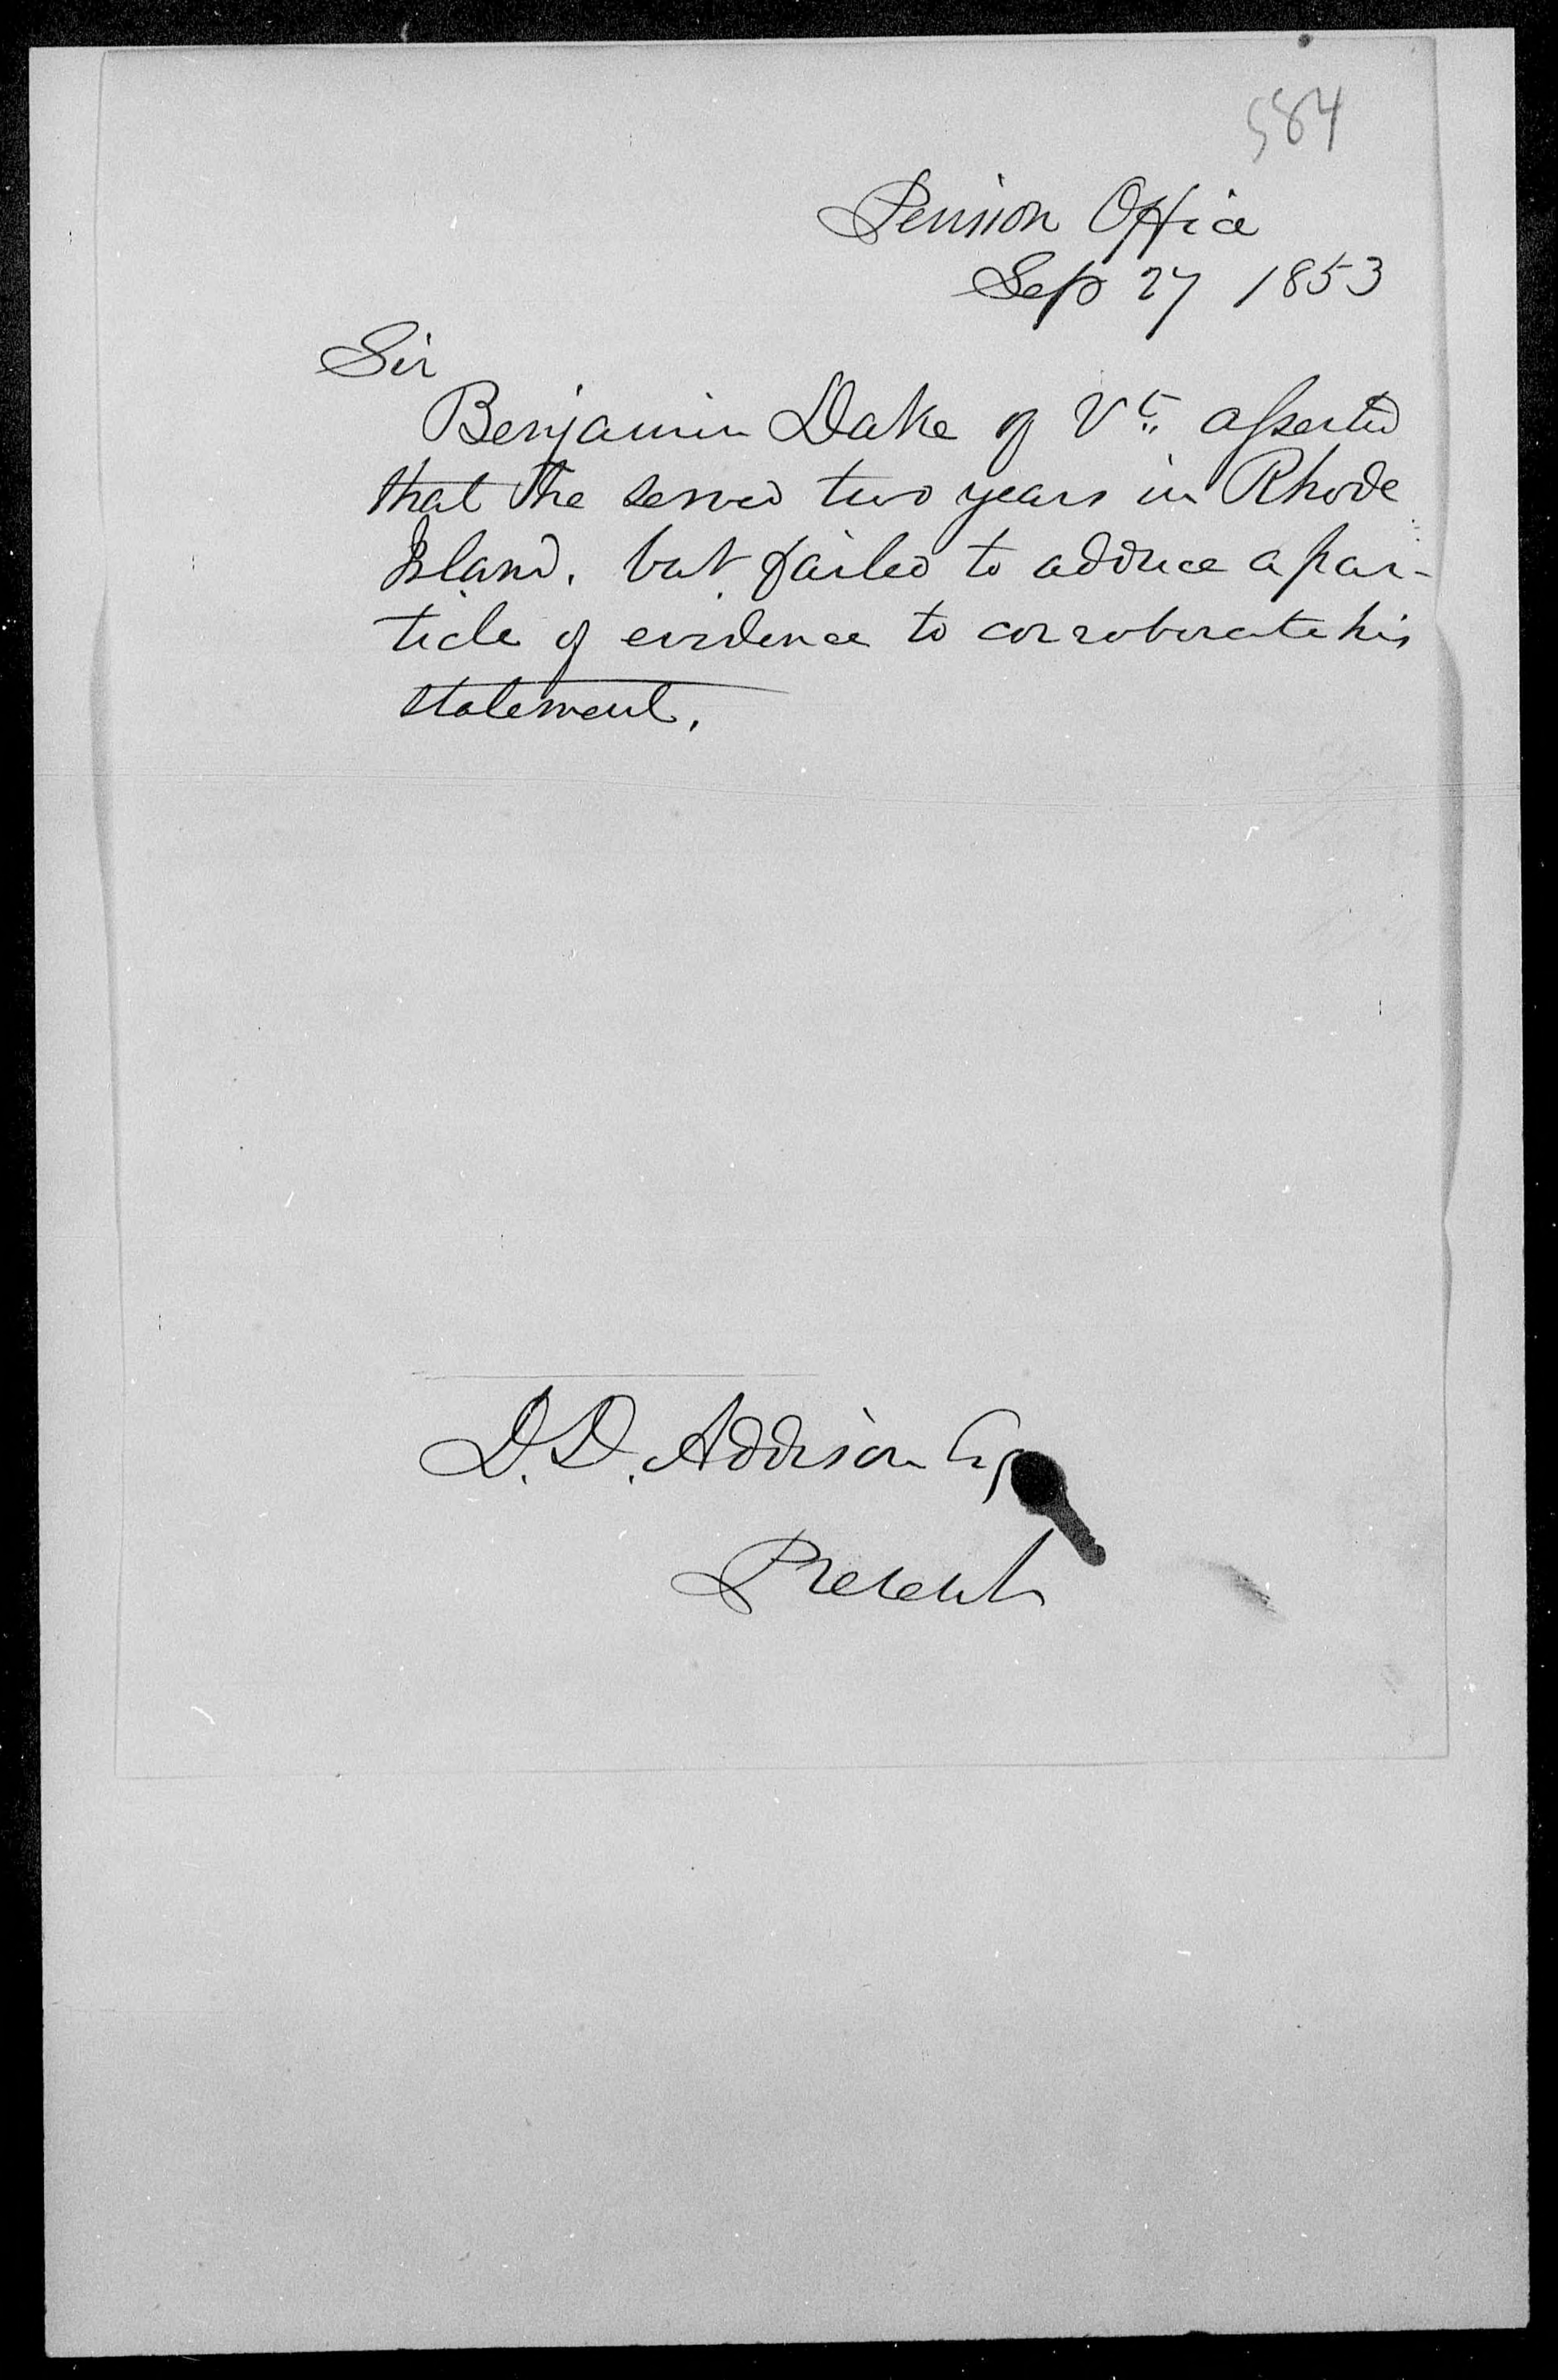Pension Office 
Sep 27, 1853

Sir, 
Benjamin Dake of Vt. asserted he served two years in Rhode Island but failed to address a particle if evidence to corroborate his statement. 

DD Addison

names: Benjamin Dake, D D Addison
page: 41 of 42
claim: rejected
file: R. 2,625, Benjamin Dake, R.I.